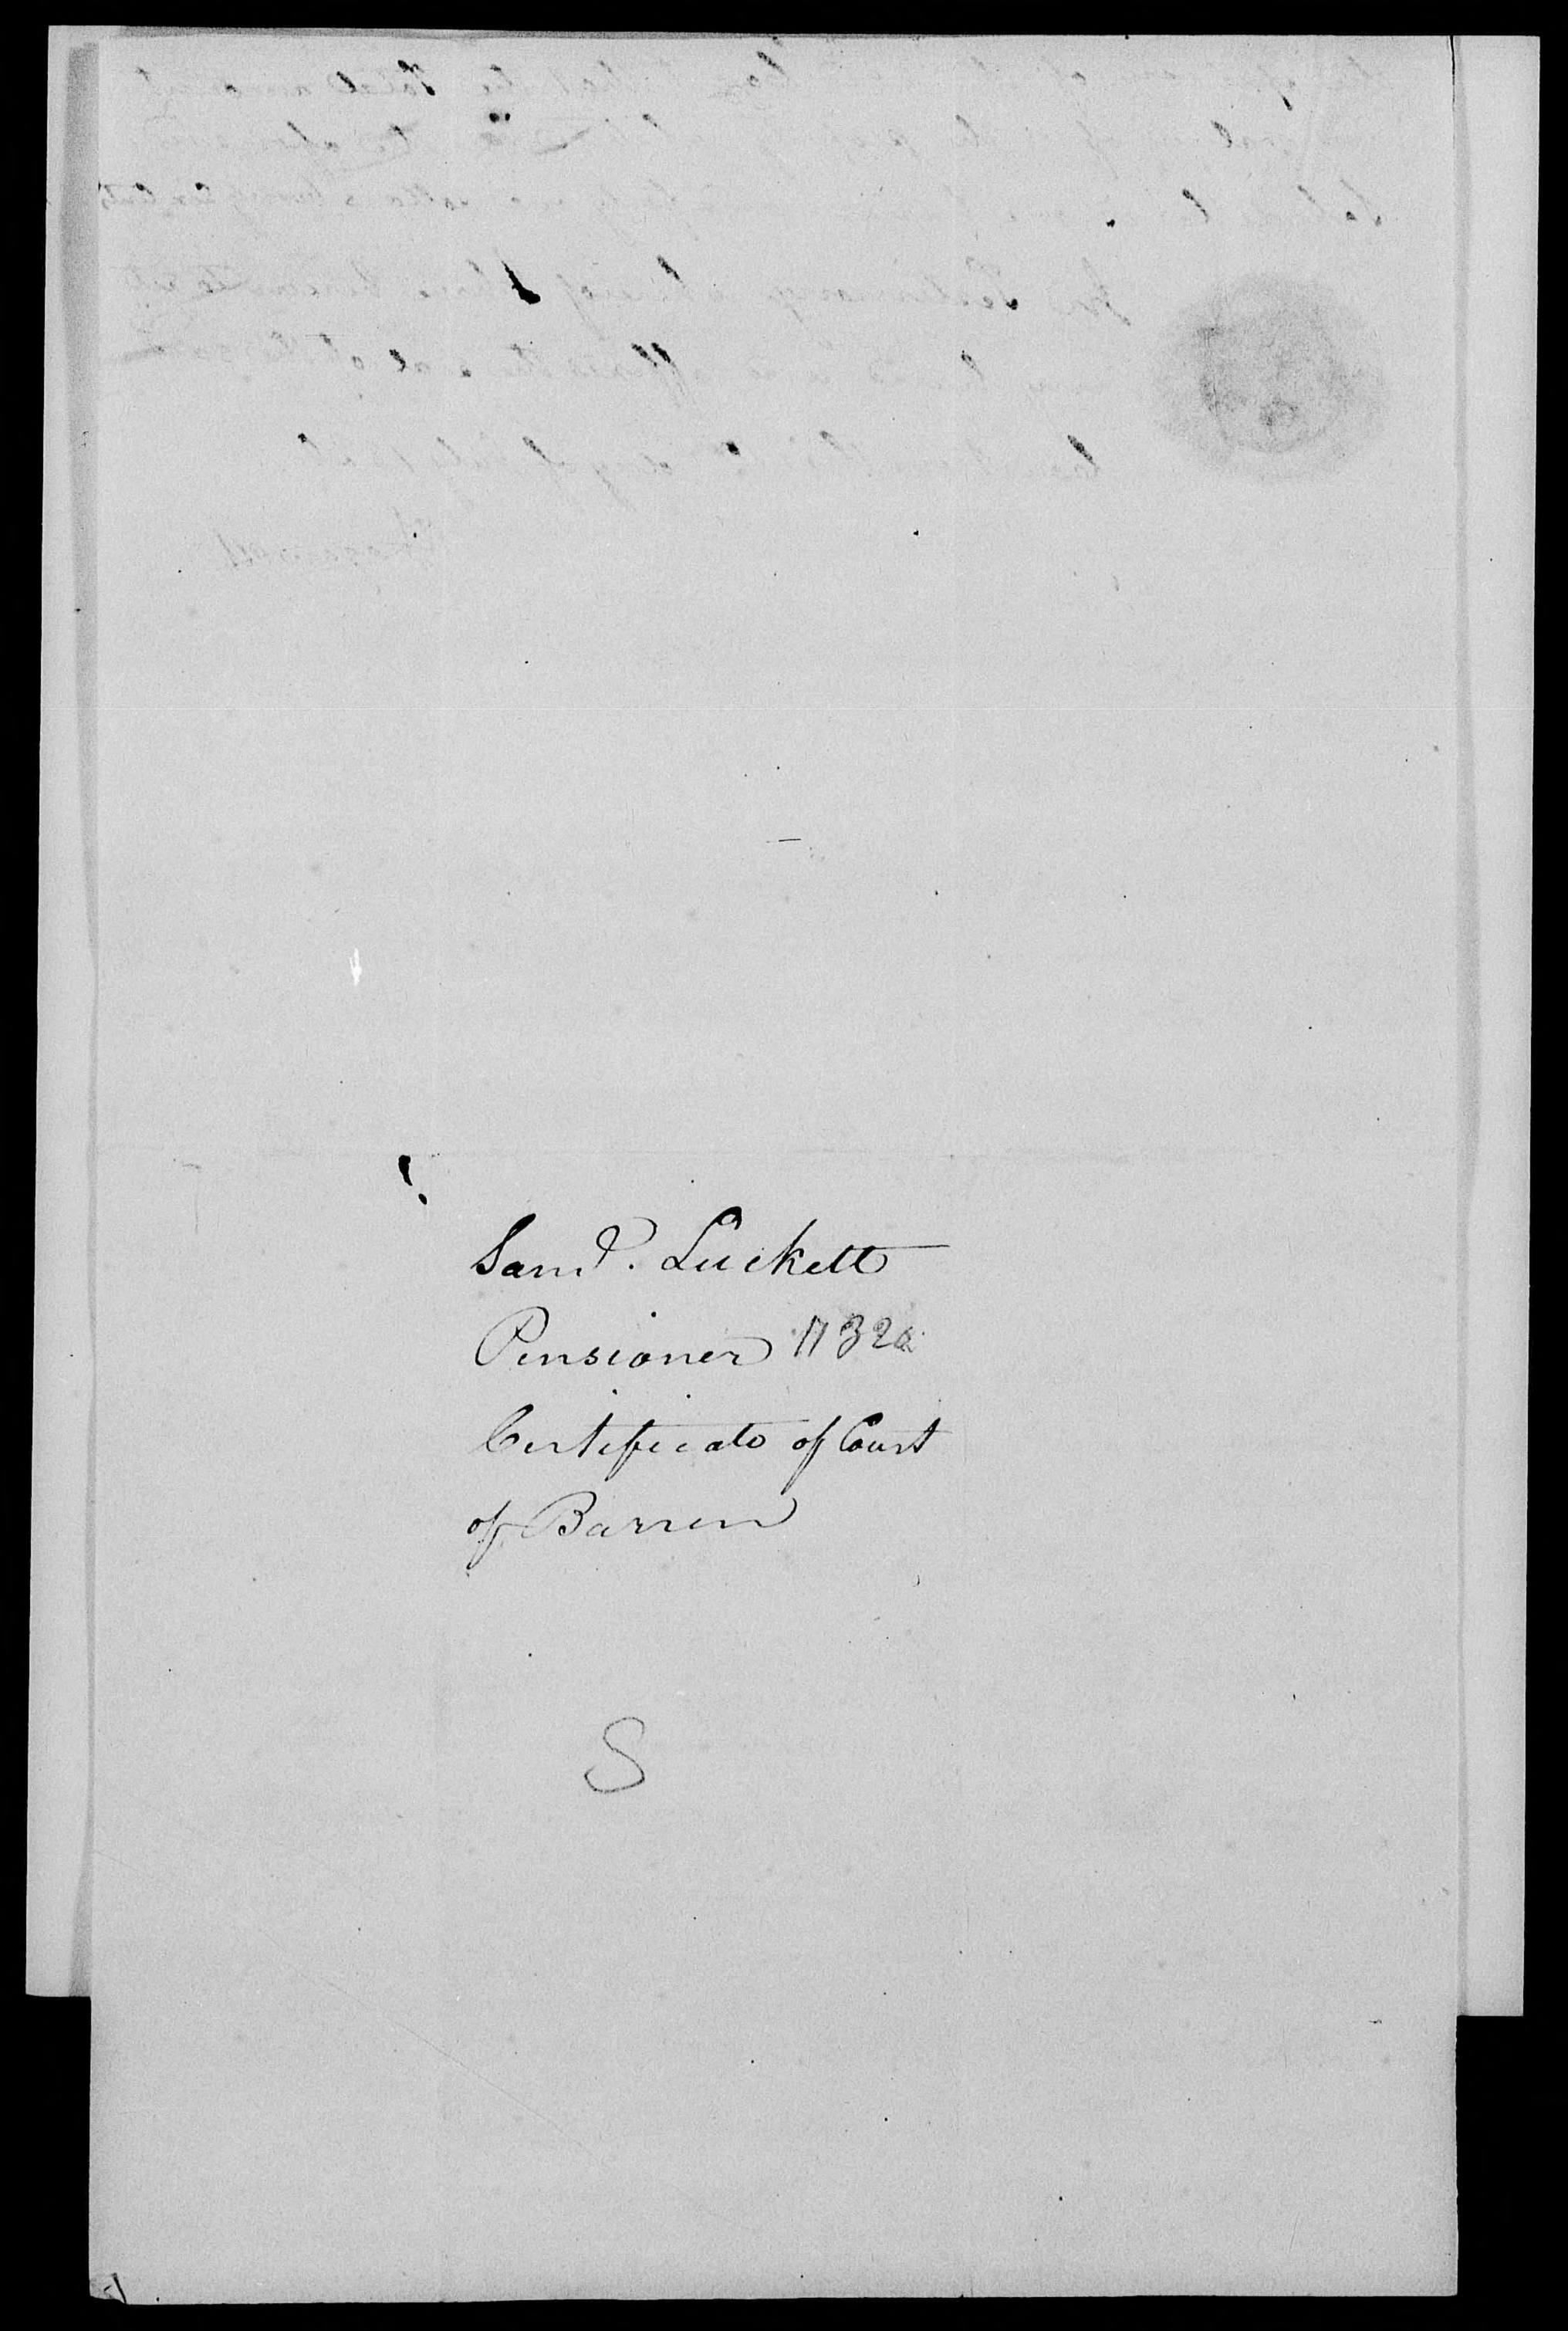Saml. Luckett
Pensioner 11320
Certificate of Court of Barren

S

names: Saml Luckett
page: 3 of 34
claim: survivor's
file: S. 36,051, for Samuel Luckett, Maryland